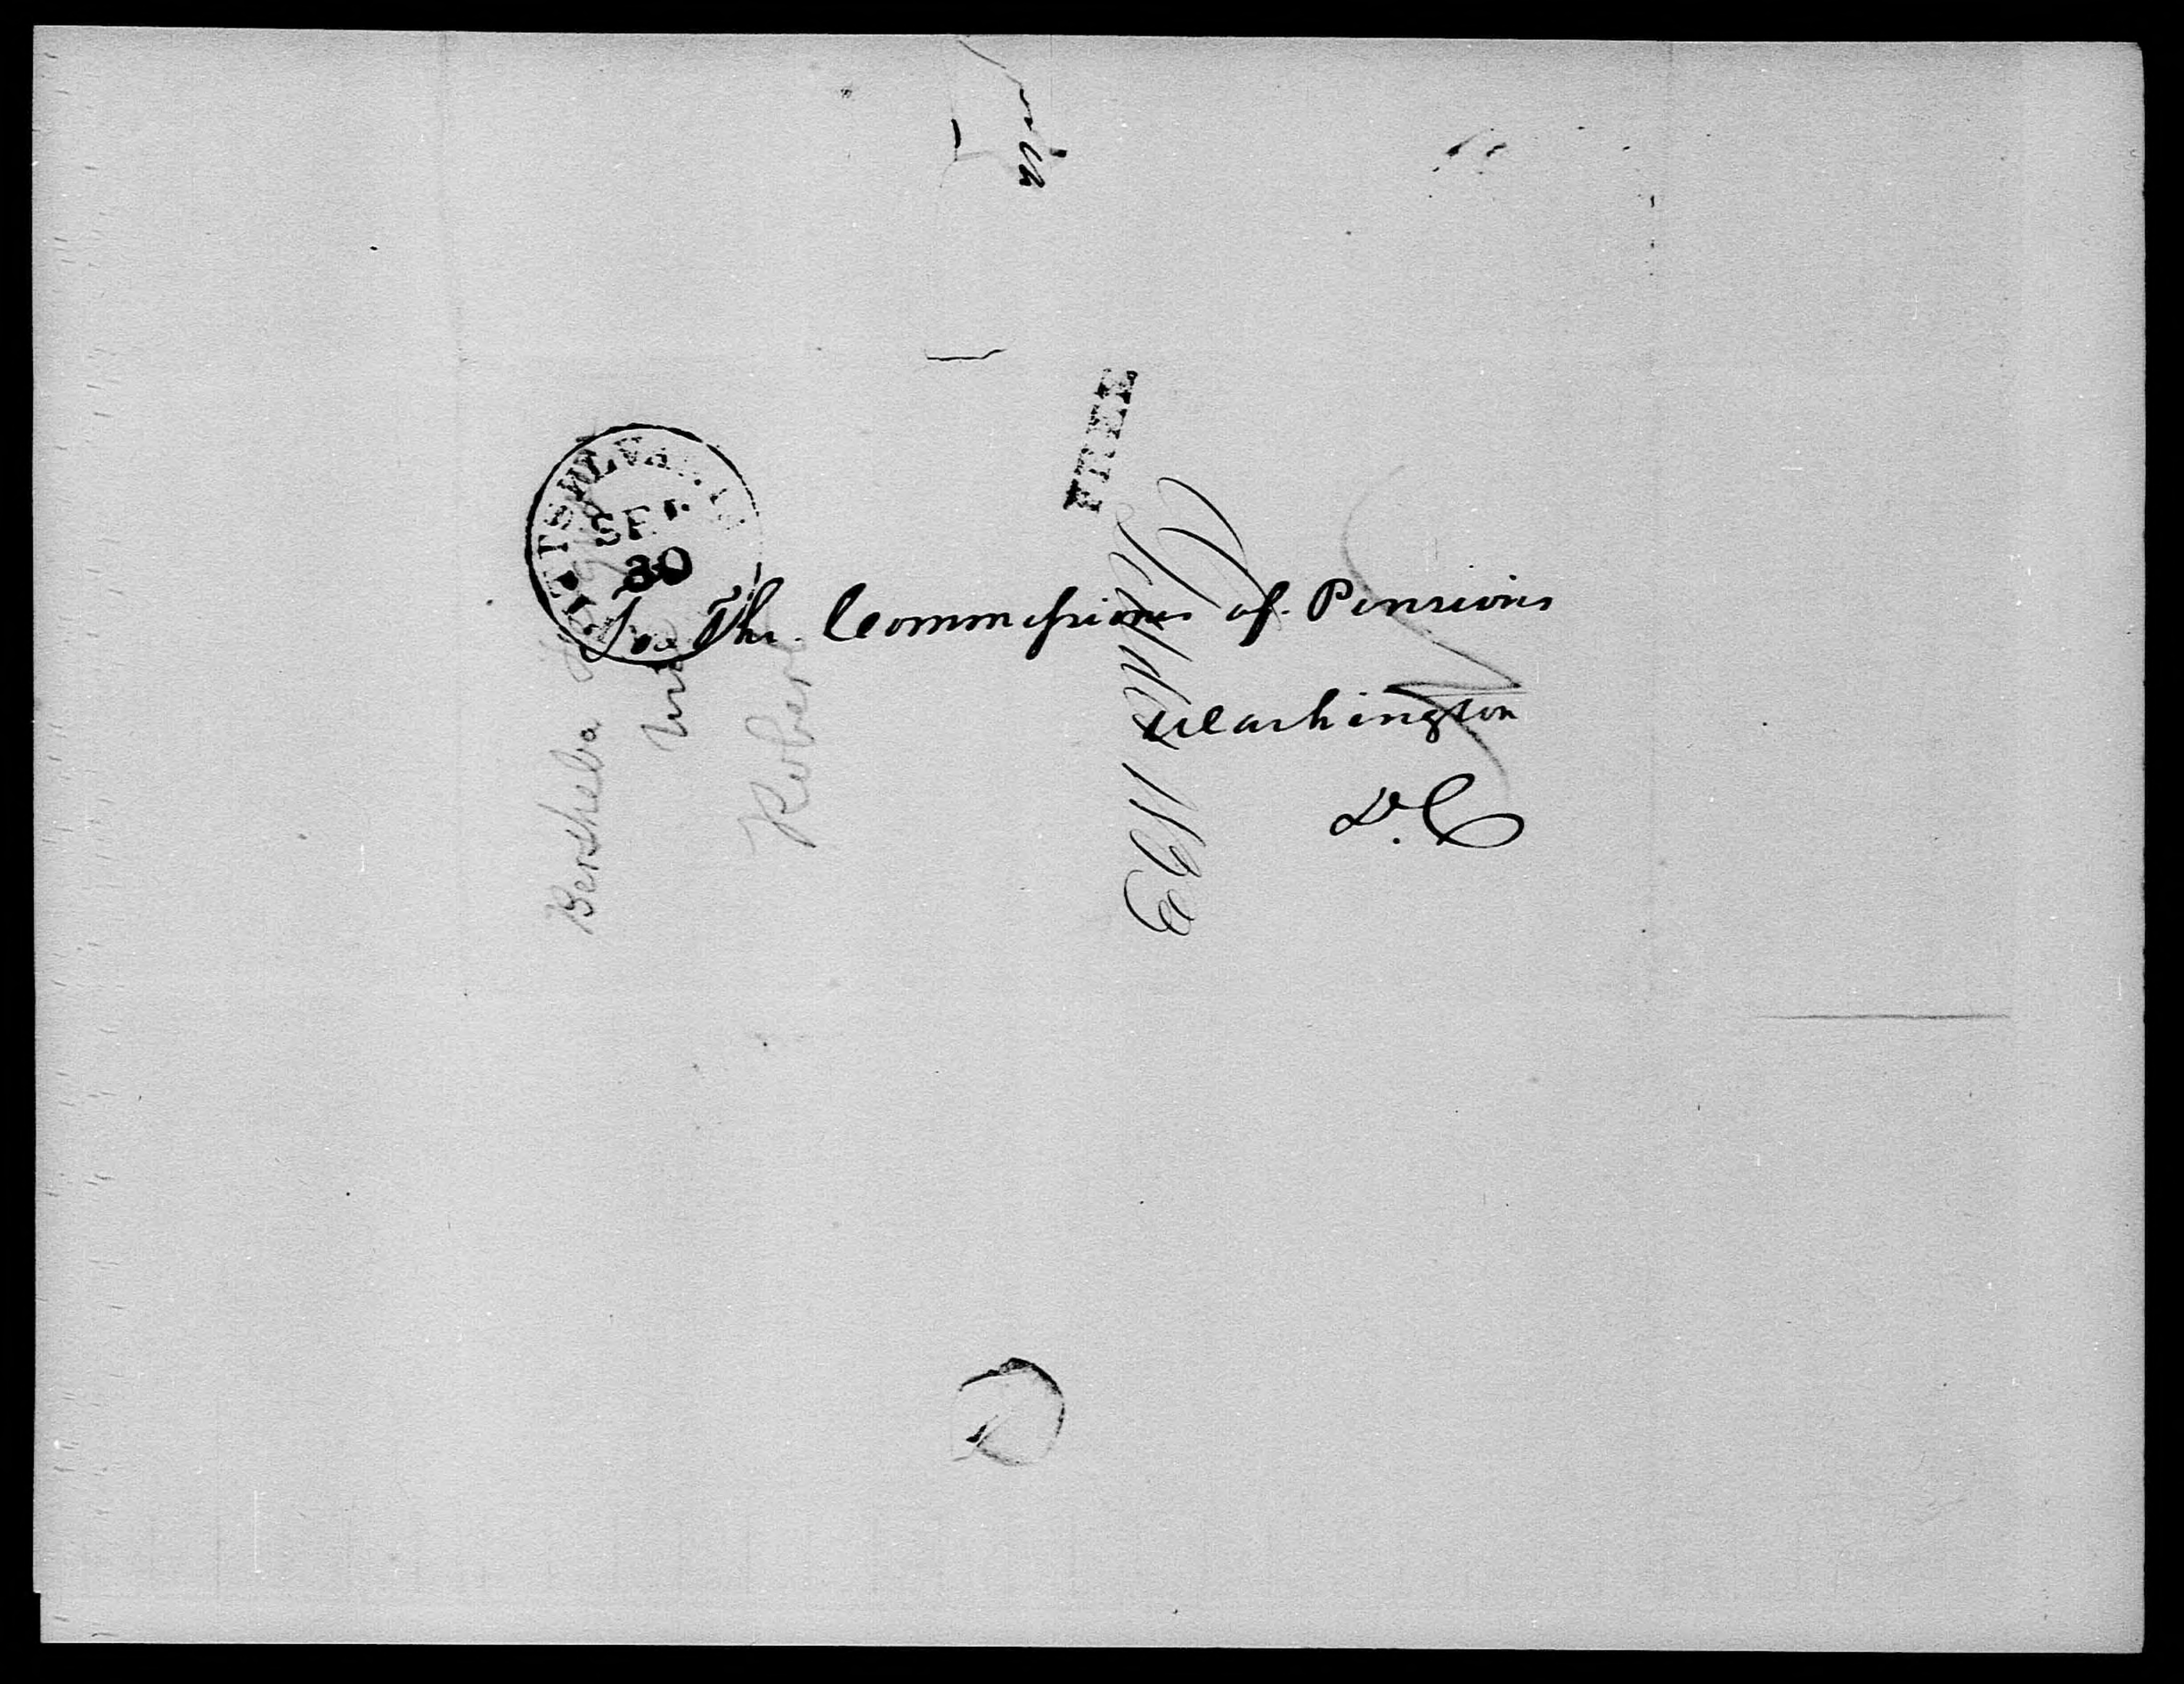[Circular Stamp with Pittsylvania Sep 30]
[stamped FREE]
[Illegible] 1133
Bersheba Ferguson
etvir Robert

The Commissioner of Pensions
Washington
DC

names: Robert Ferguson, Bersheba Ferguson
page: 56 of 81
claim: widow's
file: W. 7262, Robert Ferguson, Va.